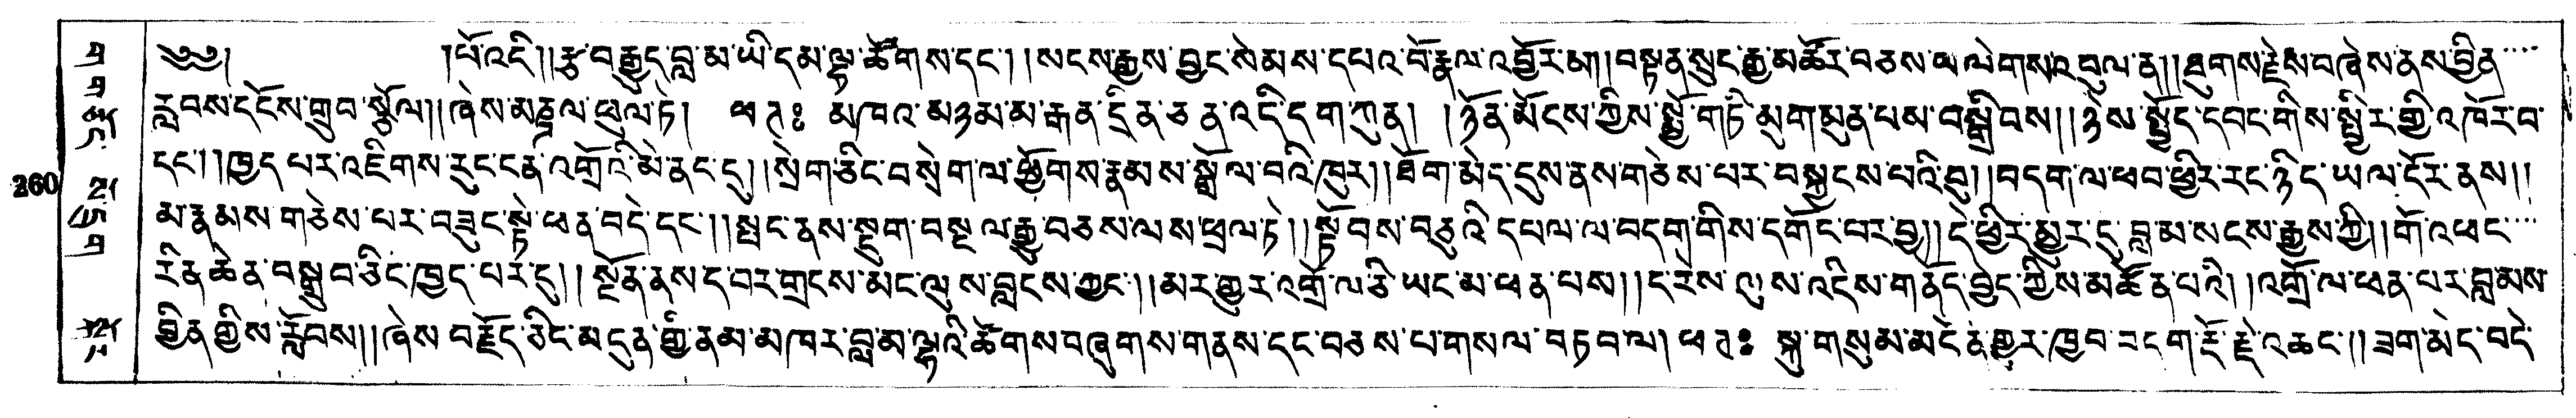༄༅། །པོ་འདི། །རྩ་བརྒྱུད་བླ་མ་ཡི་དམ་ལྷ་ཚོགས་དང་། །སངས་རྒྱས་བྱང་སེམས་དཔའ་བོ་རྣལ་འབྱོར་མ། །བསྟན་སྲུང་རྒྱ་མཚོར་བཅས་ལ་ལེགས་འབུལ་ན། །ཐུགས་རྗེས་བཞེས་ནས་བྱིན་
རླབས་དངོས་གྲུབ་སྩོལ། །ཞེས་མཎྜལ་ཕུལ་ཏེ། ཕཊཿ མཁའ་མཉམ་མ་རྒན་དྲིན་ཅན་འདི་དག་ཀུན། །ཉོན་མོངས་ཀྱིས་སྨྱོ་གཏི་མུག་མུན་པས་བསྒྲིབས། །ཉེས་སྤྱོད་དབང་གིས་སྤྱིར་གྱི་འཁོར་བ་
དང་། །ཁྱད་པར་འཇིགས་རུང་ངན་འགྲོའི་མེ་ནང་དུ། །སྲེག་ཅིང་བསྲེག་ལ་ཕྱོགས་རྣམས་སྒྲོལ་བའི་ཁུར། །ཐོག་མེད་དུས་ནས་གཅེས་པར་བསྐྱངས་པའི་བུ། །བདག་ལ་ཕབ་ཕྱིར་རང་ཉིད་ཡལ་དོར་ནས། །
མ་རྣམས་གཅེས་པར་བཟུང་སྟེ་ཕན་བདེ་དང་། །སྤང་ནས་སྡུག་བསྔལ་རྒྱུ་བཅས་ལས་ཕྲལ་ཏེ། །སྟོབས་བཅུའི་དཔལ་ལ་བདག་གིས་དགོང་བར་བྱ། །དེ་ཕྱིར་མྱུར་དུ་བླ་མ་སངས་རྒྱས་ཀྱི། །གོ་འཕང་
རིན་ཆེན་བསྒྲུབ་ཅིང་ཁྱད་པར་དུ། །སྔོན་ནས་ད་བར་གྲངས་མང་ལུས་བླངས་ཀྱང་། །མར་གྱུར་འགྲོ་ལ་ཅི་ཡང་མ་ཕན་པས། །ད་རེས་ལུས་འདིས་གནོད་བྱེད་ཀྱིས་མཚོན་པའི། །འགྲོ་ལ་ཕན་པར་བླ་མས་
བྱིན་གྱིས་རློབས། །ཞེས་བརྗོད་ཅིང་མདུན་གྱི་ནམ་མཁར་བླ་མ་ལྷའི་ཚོགས་བཞུགས་གནས་དང་བཅས་པ་གསལ་བཏབ་ལ། ཕཊཿ སྐུ་གསུམ་མངོན་གྱུར་ཁྱབ་བདག་རྡོ་རྗེ་འཆང་། །ཟག་མེད་བདེ་